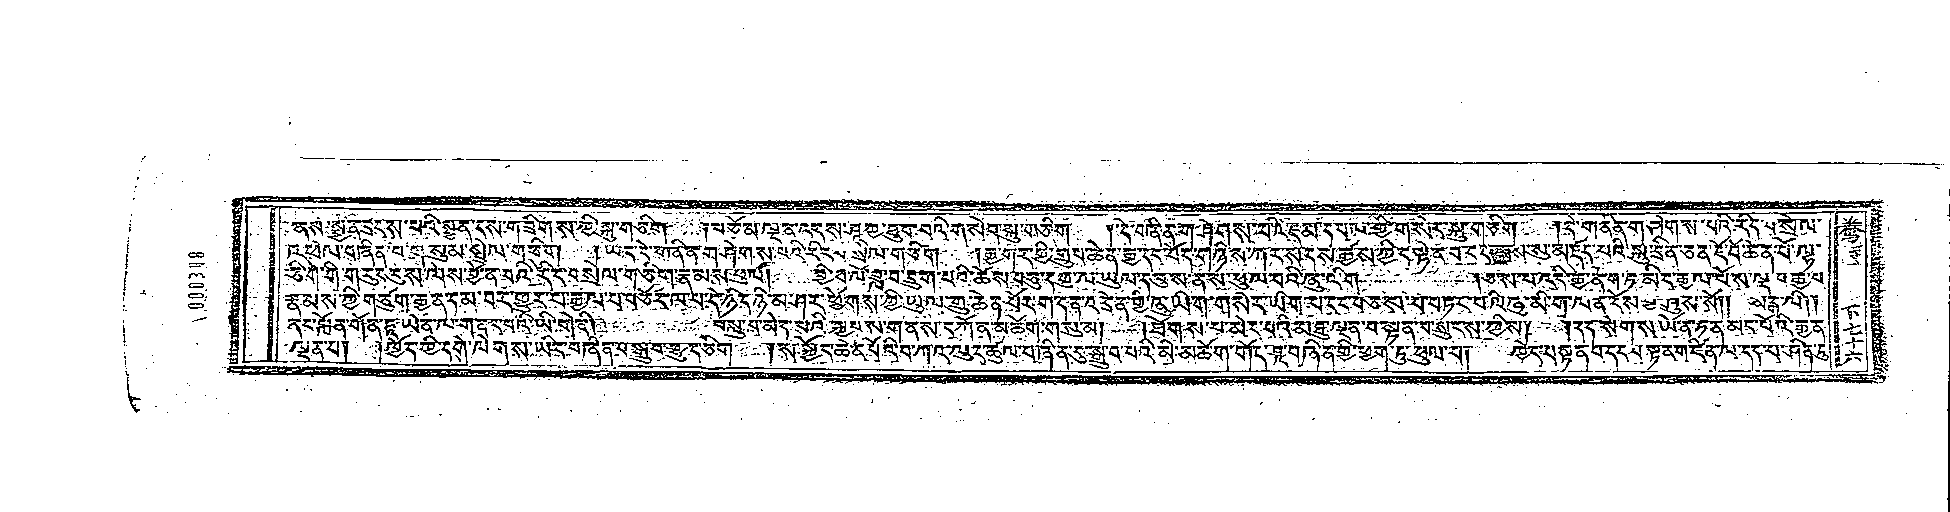ནས་སྤྱན་དྲངས་པའི་སྤྱན་རས་གཟིགས་ཀྱི་སྐུ་གཅིག །བཅོམ་ལྡན་འདས་ཤཱཀྱ་ཐུབ་པའི་གསེབ་སྐུ་གཅིག །དེ་བཞིན་གཤེགས་པའི་ཇམ་དཔལ་གྱི་གསེར་སྐུ་གཅིག །དེ་བཞིན་གཤེགས་པའི་རིང་བསྲེལ་
འཕེལ་བཞིན་པ་གསུམ་སྤྲེལ་གཅིག །ཡང་དེ་བཞིན་གཤེགས་པའི་རིང་བསྲེལ་གཅིག །རྒྱ་གར་གྱི་གྲུབ་ཆེན་རྒྱ་དང་བོད་གཉིས་ཀར་སངས་རྒྱས་ཀྱི་བསྟེན་པ་དང་?ས་སུ་མཛད་པའི་སྐུ་དྲིན་ཅན་ཇོ་བོ་ཆེན་པོ་ལྟ་
ཅིག་གི་གདུབ་རུས་ལས་བྱོན་པའི་རིང་བསྲེལ་གཅིག་རྣམས་ཕུལ། བྱི་བ་ལོ་ཟླ་བ་དྲུག་པའི་ཆོས་བཅུ་དགུ་ལ་ཡུལ་དབུས་ནས་ཕུལ་བའི་ཞུ་ཡིག །ཅེས་པ་འདི་རྒྱ་ནག་ཏ་མིང་རྒྱལ་པོས་ལྔ་པ་རྒྱལ་
རྣམས་ཀྱི་གཙུག་རྒྱན་དམ་བར་གྱུར་པ་རྒྱལ་བ་བཙོང་ཁ་པ་དེ་ཉིད་ཉི་མ་ཤར་ཕྱོགས་ཀྱི་ཡུལ་གྲུ་ཆེན་པོར་གདན་འདྲེན་གྱི་ཞུ་ཡིག་གསེར་ཡིག་པ་དང་བཅས་པ་བཏང་པའི་ཞུ་མིག་ལན་ངེས་བྱ་ཤུས་སོ།། མངྒ་ལི།།
ནང་བློན་གོན་ཏཱ་ཡིན་ལ་གནང་བའི་ཡི་གེ་ནི། བསླུ་བ་མེད་པའི་སྐྱབས་གནས་དཀོན་མཆོག་གསུམ། །ཐོགས་པ་མེད་པའི་མཐུ་ལྡན་བསྟན་བ་སྲུངས་ཀྱིས། །དད་སེགས་ཡོན་ཏན་མང་པོའི་རྒྱན་
ལྡན་པ། །ཁྱོད་ཀྱི་དགེ་ལེགས་ཡིད་བཞིན་བསྒྲུབ་གྱུར་ཅིག །ས་སྐྱོང་ཆེན་པོའི་བཀའ་ལུང་ཚུལ་བཞིན་དུ་སྒྲུབ་པའི་མི་མཆོག་གོད་ཤྲཱ་བཞིན་གྱི་ཕྱག་ཏུ་ཕུལ་བ། ཁྱེད་བསྟན་པ་དང་བསྟན་འཛིན་ལ་དད་པ་ཤིན་ཏུ་